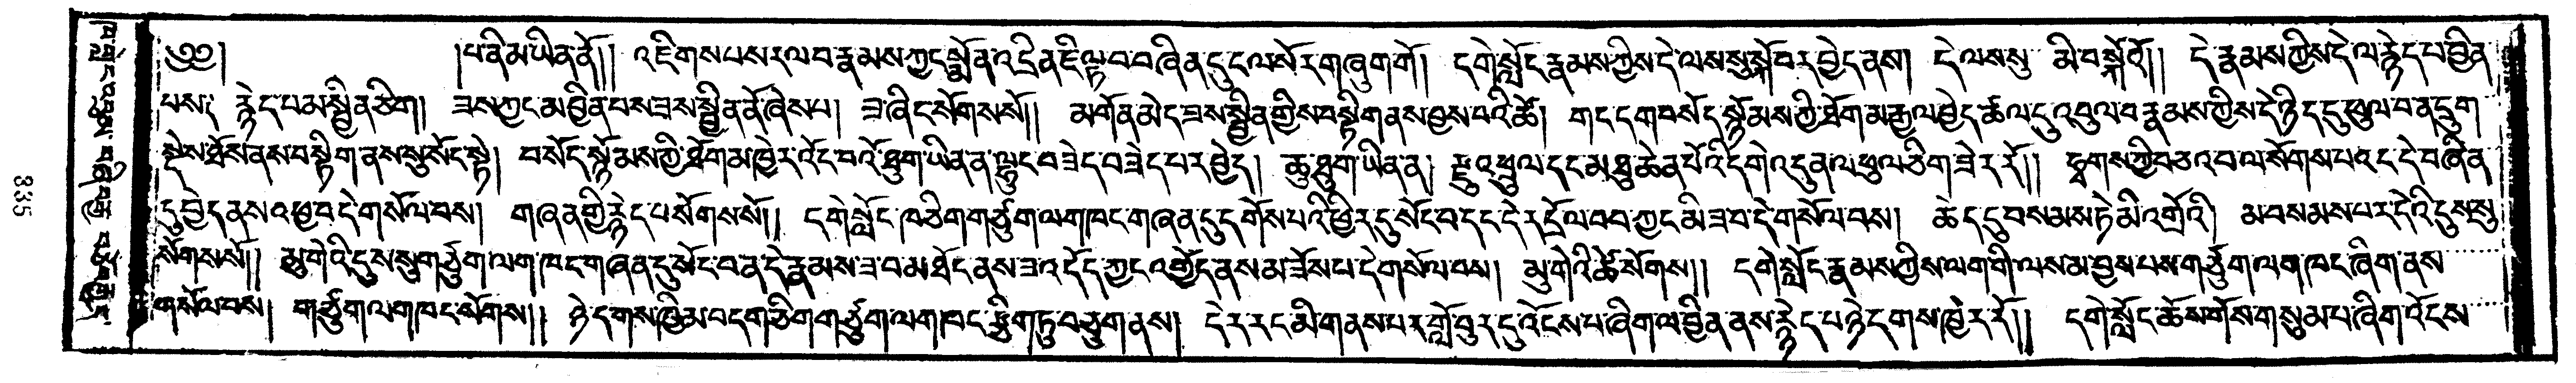༄༅། །པ་ནི་མ་ཡིན་ནོ།། འཇིགས་པས་རལ་བ་རྣམས་ཀྱང་སྨོན་འདྲིན་ཇི་ལྟ་བ་བཞིན་དུ་ངལ་སོར་གཞུག་གོ། དགེ་སློང་རྣམས་ཀྱིས་དེ་ལས་སུ་སྐོ་བར་བྱེད་ནས། དེ་ལས་སུ་མི་བསྐོའོ།། དེ་རྣམས་ཀྱིས་དེ་ལ་རྙེད་པ་བྱིན་
པས༑ རྙེད་པ་མ་སྦྱིན་ཅིག། ཟས་ཀྱང་མ་བྱིན་པས་ཟས་སྦྱིན་ནོ་ཞེས་པ། ཟ་ཞིང་སོགས་སོ།། མགོན་མེད་ཟས་སྦྱིན་གྱིས་བསྟི་གནས་བྱས་བའི་ཚེ། གང་དག་བསོད་སྙོམས་ཀྱི་ཐོག་མ་རྒྱལ་བྱེད་ཚལ་དུ་འབུལ་བ་རྣམས་ཀྱིས་དེ་ཉིད་དུ་ཕུལ་བ་ན་དྲུག་
སྡེས་ཐོས་ནས་བསྟིག་ནས་སུ་སོང་སྟེ། བསོད་སྙོམས་ཀྱི་ཐོག་མ་ཁྱེར་འོང་བའོ་ཐུག་ཡིན་ན་ལྷུང་བཟེད་བཟེད་པར་བྱེད། ཆུ་ཐུག་ཡིན་ན། རྫུ་འཕྲུལ་དང་མཐུ་ཆེན་པོའི་དགེ་འདུན་ལ་ཕུལ་ཅིག་ཟེར་རོ།། ཧྭགས་ཀྱི་བཅའ་བ་ལ་སོགས་པའང་དེ་བཞིན་
དུ་བྱེད་ནས་འཕྱ་བདེ་གསོལ་བས། གཞན་གྱི་རྙེད་པ་སོགས་སོ།། དགེ་སློང་ཁ་ཅིག་གཙུག་ལག་ཁང་གཞན་དུ་དགོས་པའི་ཕྱིར་དུ་སོང་བ་དང་དེར་དྲོ་ལ་བབ་ཀྱང་མི་ཟ་བ་དེ་གསོལ་བས། ཆེད་དུ་བསམས་ཏེ་མི་འགྲོའི། མ་བསམས་པར་དེའི་དུས་སུ་
སོགས་སོ།། མུ་གེའི་དུས་སུ་གཙུག་ལག་ཁང་གཞན་དུ་སོང་བ་ན་དེ་རྣམས་ཟ་བ་མཐོང་ནས་ཟ་འདོད་ཀྱང་འགྱོད་ནས་མ་ཟོས་པ་དེ་གསོལ་བས། མུ་གེའི་ཚེ་སོགས།། དགེ་སློང་རྣམས་ཀྱིས་ལག་གི་ལས་མ་བྱས་པས་གཙུག་ལག་ཁང་ཞིག་ནས་
གསོལ་བས། གཙུག་ལག་ཁང་སོགས།། ཉེ་དགས་ཁྱིམ་བདག་ཅིག་གཙུག་ལག་ཁང་རྩིག་ཏུ་བཅུག་ནས། དེར་རང་མི་གནས་པར་གློ་བུར་དུ་འོངས་པ་ཞིག་ལ་བྱིན་ནས་རྙེད་པ་ཉེ་དགས་ཁྱེར་རོ།། དགེ་སློང་ཆོས་གོས་གསུམ་པ་ཞིག་འོངས་